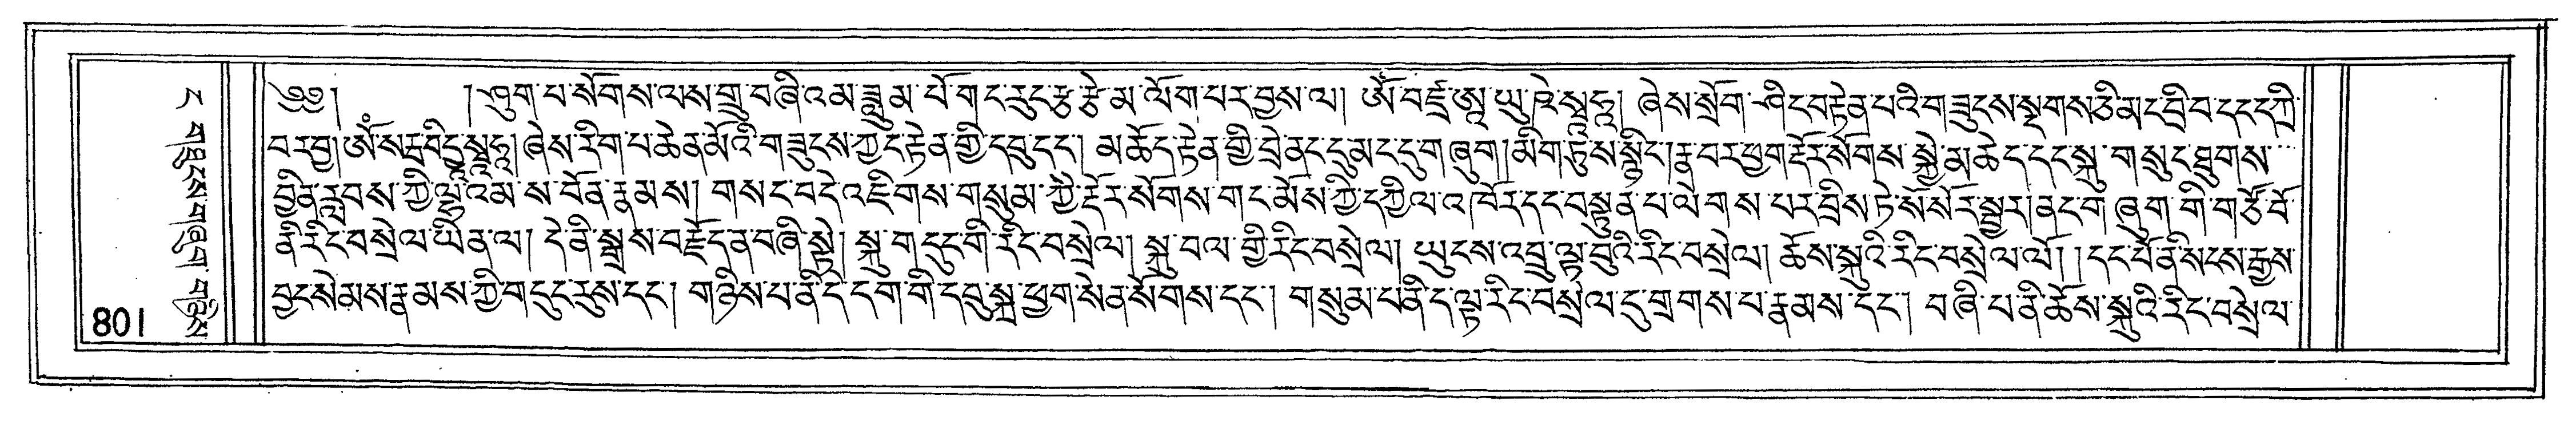༄༅། །ཤུག་པ་སོགས་ལས་གྲུ་བཞི་འམ་ཟླུམ་པོ་གང་རུང་རྩ་རྩེ་མ་ལོག་པར་བྱས་ལ། ཨོཾ་བཛྲ་ཨཱ་ཡུ་ཥེ་སྭཱ་ཧཱ། ཞེས་སྲོག་ཤིང་བརྟེན་པའི་གཟུངས་སྔགས་ཅི་མང་བྲི་བ་དང་དཀྲི་
བར་བྱ། ཨོཾ་སརྦ་བིདྱཱ་སྭཱཧཱ། ཞེས་རིག་པ་ཆེན་མོའི་གཟུངས་ཀྱང་རྟེན་གྱི་དབུ་དང་། མཆོད་རྟེན་གྱི་བྲེ་ནང་དུ་མང་དུ་གཞུག །མིག་ཏུ་ས་སྙིང་། རྣ་བར་ཕྱག་རྡོར་སོགས་སྐྱེ་མཆེད་དང་སྐུ་གསུང་ཐུགས་
བྱིན་རླབས་ཀྱི་ལྷའམ་ས་བོན་རྣམས། གསང་བདེ་འཇིགས་གསུམ་གྱི་རྡོར་སོགས་གང་མོས་ཀྱི་དཀྱིལ་འཁོར་དང་བསྟུན་པ་ལེགས་པར་བྲིས་ཏེ་སོ་སོར་སྦྱར། ནང་གཞུག་གི་གཙོ་བོ་
ནི་རིང་བསྲེལ་ཡིན་ལ། དེ་ནི་སྒྲས་བརྗོད་ན་བཞི་སྟེ། སྐུ་གདུང་གི་རིང་བསྲེལ། སྐུ་བལ་གྱི་རིང་བསྲེལ། ཡུངས་འབྲུ་ལྟ་བུའི་རིང་བསྲེལ། ཆོས་སྐུའི་རིང་བསྲེལ་ལོ། །དང་པོ་ནི་སངས་རྒྱས་
བྱང་སེམས་རྣམས་ཀྱི་གདུང་རུས་དང་། གཉིས་པ་ནི་དེ་དག་གི་དབུ་སྐྲ་ཕྱག་སེན་སོགས་དང་། གསུམ་པ་ནི་ད་ལྟ་རིང་བསྲེལ་དུ་གྲགས་པ་རྣམས་དང་། བཞི་པ་ནི་ཆོས་སྐུའི་རིང་བསྲེལ་